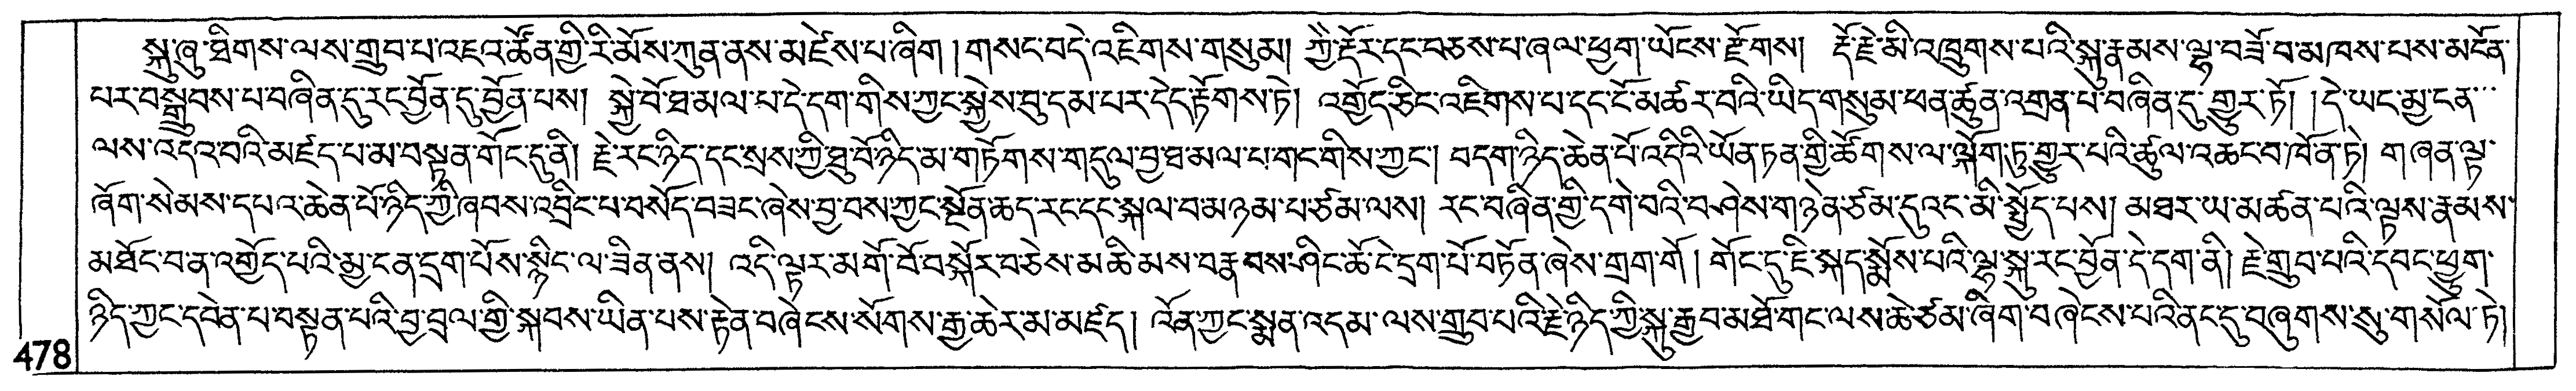སྐུ་ཞུ་ཐིགས་ལས་གྲུབ་པ་འཇའ་ཚོན་གྱི་རི་མོས་ཀུན་ནས་མཛེས་པ་ཞིག །གསང་བདེ་འཇིགས་གསུམ། ཀྱཻ་རྡོར་དང་བཅས་པ་ཞལ་ཕྱག་ཡོངས་རྫོགས། རྡོ་རྗེ་མི་འཁྲུགས་པའི་སྐུ་རྣམས་ལྷ་བཟོ་བ་མཁས་པས་མངོན་
པར་བསྒྲུབས་པ་བཞིན་དུ་རང་བྱོན་དུ་བྱོན་པས། སྐྱེ་བོ་ཐ་མལ་པ་དེ་དག་གིས་ཀྱང་སྐྱེས་བུ་དམ་པར་དེད་རྟོགས་ཏེ། འགྱོད་ཅིང་འཇིགས་པ་དང་ངོ་མཚར་བའི་ཡིད་གསུམ་ཕན་ཚུན་འགྲན་པ་བཞིན་དུ་གྱུར་ཏོ། །དེ་ཡང་མྱ་ངན་
ལས་འདའ་བའི་མཛད་པ་མ་བསྟན་གོང་དུ་ནི། རྗེ་རང་ཉིད་དང་སྲས་ཀྱི་ཐུ་བོ་ཉིད་མ་གཏོགས་གདུལ་བྱ་ཐ་མལ་པ་གང་གིས་ཀྱང་། བདག་ཉིད་ཆེན་པོ་འདིའི་ཡོན་ཏན་གྱི་ཚོགས་ལ་ལྐོག་ཏུ་གྱུར་པའི་ཚུལ་འཆང་བ་ཁོ་ན་ཏེ། གཞན་ལྟ་
ཞོག་སེམས་དཔའ་ཆེན་པོ་ཉིད་ཀྱི་ཞབས་འབྲིང་པ་བསོད་བཟང་ཞེས་བྱ་བས་ཀྱང་སྔོན་ཆད་རང་དང་སྐལ་བ་མཉམ་པ་ཙམ་ལས། རང་བཞིན་གྱི་དགེ་བའི་བཤེས་གཉེན་ཙམ་དུའང་མི་སྤྱོད་པས། མཐར་ཡ་མཚན་པའི་ལྟས་རྣམས་
མཐོང་བ་ན་འགྱོད་པའི་མྱ་ངན་དྲག་པོས་སྙིང་ལ་ཟིན་ནས། འདི་ལྟར་མགོ་བོ་བསྐོར་བ་ཅེས་མཆི་མས་བརྣབས་ཤིང་ཆོ་ངེ་དྲག་པོ་བཏོན་ཞེས་གྲག་གོ །གོང་དུ་ཇི་སྐད་སྨོས་པའི་ལྷ་སྐུ་རང་བྱོན་དེ་དག་ནི། རྗེ་གྲུབ་པའི་དབང་ཕྱུག་
ཉིད་ཀྱང་དབེན་པ་བསྟན་པའི་བྱ་བྲལ་གྱི་སྐབས་ཡིན་པས་རྟེན་བཞེངས་སོགས་རྒྱ་ཆེར་མ་མཛད། འོན་ཀྱང་སྨན་འདམ་ལས་གྲུབ་པའི་རྗེ་ཉིད་ཀྱི་སྐུ་རྒྱབ་མཐོ་གང་ལས་ཆེ་ཙམ་ཞིག་བཞེངས་པའི་ནང་དུ་བཞུགས་སུ་གསོལ་ཏེ།